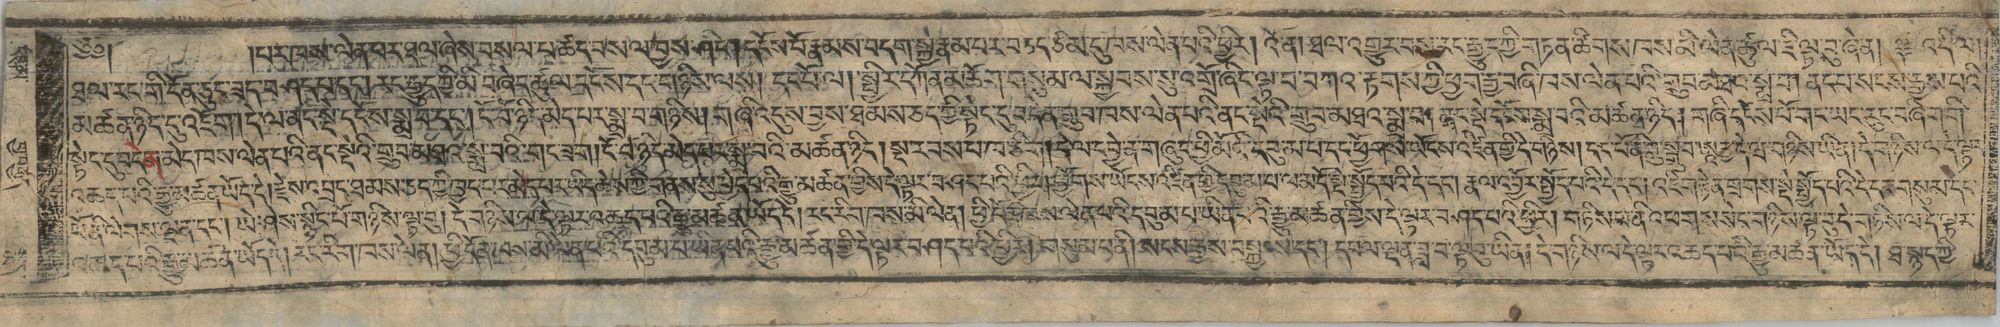༄༅། །པར་ཁས་ལེན་པར་ཐལ་ཞེས་བསལ་བ་ཚད་བསལ་བྱས་ཤིང་། དངོས་པོ་རྣམས་བདག་སྐྱེ་རྣམ་པར་བཅད་ཙམ་དུ་ཁས་ལེན་པའི་ཕྱིར། འོ་ན། ཐལ་འགྱུར་བས་རང་རྒྱུད་ཀྱི་གཏན་ཚིགས་ཁས་མི་ལེན་ཚུལ་ཇི་ལྟ་བུ་ཞེ་ན།། ༈ །།འདི་ལ།
ཐལ་རང་གི་དོན་ཅུང་ཟད་བཤད་པ་དང་། རང་རྒྱུད་གཏན་ཚིགས་ཀྱི་མི་བཞེད་ཚུལ་དངོས་དང་གཉིས་ལས། དང་པོ་ལ། སྤྱིར་དཀོན་མཆོག་གསུམ་ལ་སྐྱབས་སུ་འགྲོ་ཞིང་ལྟ་བ་བཀའ་རྟགས་ཀྱི་ཕྱག་རྒྱ་བཞི་ཁས་ལེན་པའི་གྲུབ་མཐའ་སྨྲ་བ། ནང་པ་སངས་རྒྱས་པའི་
མཚན་ཉིད་དུ་འཇོག །དེ་ལ་ནང་སྡེ་དངོས་སྨྲ་བ་དང་། ངོ་བོ་ཉིད་མེད་པར་སྨྲ་བ་གཉིས། གཞི་འདུས་བྱས་ཐམས་ཅད་ཀྱི་སྟེང་དུ་བདེན་གྲུབ་ཁས་ལེན་པའི་ནང་སྡེའི་གྲུབ་མཐའ་སྨྲ་བ། ནང་སྟེ་དངོས་སྨྲ་བའི་མཚན་ཉིད། གཞི་དངོས་པོ་གང་ཡང་རུང་བ་ཞིག་གི་
སྟེང་དུ་བདེན་མེད་ཁས་ལེན་པའི་ནང་སྡེའི་གྲུབ་མཐའ་སྨྲ་བའི་གང་ཟག །ངོ་བོ་ཉིད་མེད་པར་སྨྲ་བའི་མཚན་ཉིད། སྔ་རབས་པ་ཁ་ཅིག །དེ་ལ་དབྱེ་ན་གཞུང་ཕྱི་མོའི་དབུ་མ་པ་དང་ཕྱོགས་ཡོངས་འཛིན་གྱི་དེ་གཉིས། དང་པོ་ནི་ཀླུ་སྒྲུབ་ཨཱརྱ?་དེ་ཝགཉིས་ཡིན། དེ་གཉིས་ལ་དེ་ལྟར་
འཆད་པའི་རྒྱུ་མཚན་ཡོད་དེ། རྗེས་འབྲང་ཐམས་ཅད་ཀྱི་ཁྱད་པར་མེད་པར་ཡིད་ཆེས་ཀྱི་གནས་སུ་བྱེད་པའི་རྒྱུ་མཚན་གྱིས་དེ་ལྟར་བཤད་པའི་ཕྱིར། ཕྱོགས་ཡོངས་འཛིན་གྱི་དབུ་མ་པ་ལ་མདོ་སྡེ་སྤྱོད་པའི་དེ་དང་། རྣལ་འབྱོར་སྤྱོད་པའི་དེ་དང་། འཇིག་རྟེན་གྲགས་སྡེ་སྤྱོད་པའི་དེ་དང་གསུམ་དང་
པོ་ནི་ལེགས་ལྡན་དང་། ཡེ་ཤེས་སྙིང་པོ་གཉིས་ལྟ་བུ། དེ་གཉིས་ལ་དེ་ལྟར་འཆད་པའི་རྒྱུ་མཚན་ཡོད་དེ། རང་རིག་ཁས་མི་ལེན། ཕྱི་དོན་ཁས་ལེན་པའི་དབུ་མ་པ་ཡིན་པའི་རྒྱུ་མཚན་གྱིས་དེ་ལྟར་བཤད་པའི་ཕྱིར། གཉིས་པ་ནི་འཕགས་སེང་གཉིས་ལྟ་བུ་དེ་གཉིས་ལ་དེ་ལྟར་
འཆད་པའི་རྒྱུ་མཚན་ཡོད་དེ། རང་རིག་ཁས་ལེན། ཕྱི་དོན་ཁས་མི་ལེན་པའི་དབུ་མ་པ་ཡིན་པའི་རྒྱུ་མཚན་གྱི་དེ་ལྟར་བཤད་པའི་ཕྱིར། གསུམ་པ་ནི། སངས་རྒྱས་བསྐྱངས་དང་། དཔལ་ལྡན་ཟླ་བ་ལྟ་བུ་ཡིན། དེ་གཉིས་ལ་དེ་ལྟར་འཆད་པའི་རྒྱུ་མཚན་ཡོད་དེ། ཐ་སྙད་ཀྱི་